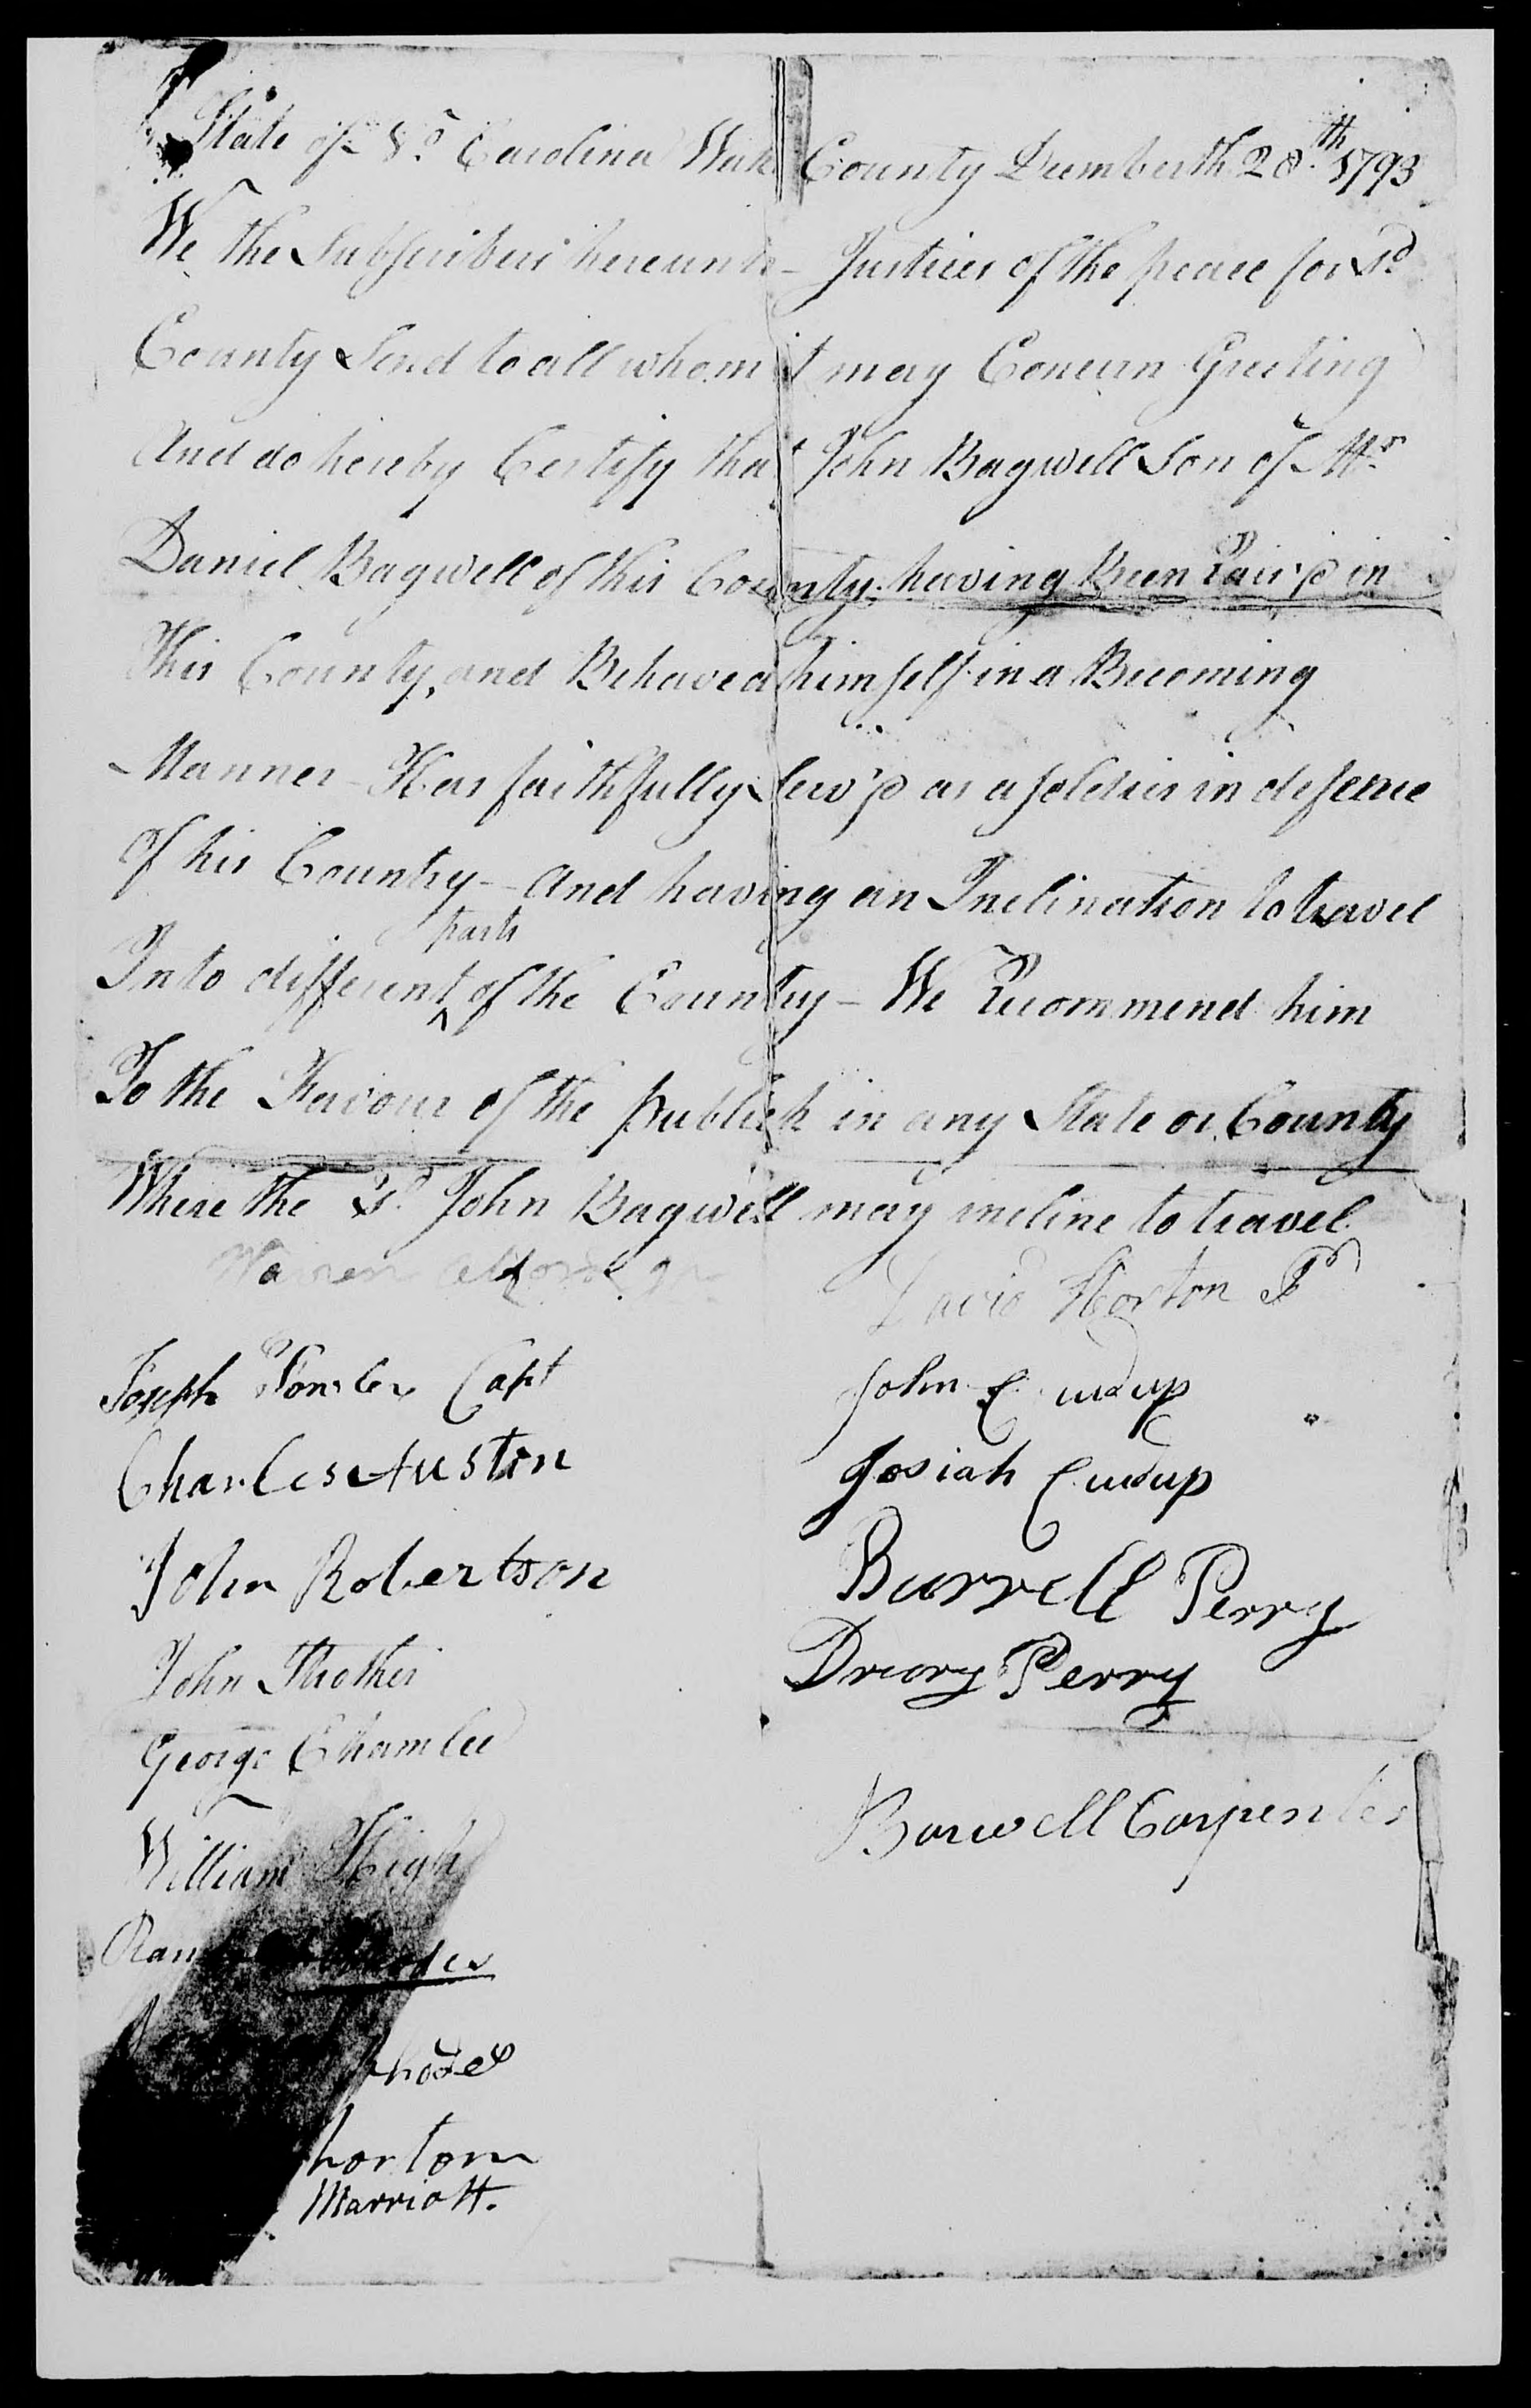State of
Carolina and County Dumberth 20th 1793
We the Subscriber hereunto Justices of the peace for [  ]
County Land to all whom
and do hereby concern Greeting. And do hereby certify that
John Bagwell Son J M
Daniel Bagwell of this County having been in
This County, and behaved himself in a becoming
Manner has faithfully was a follies in defence
of his County and having an inclination to travel
Into different of the County. We reccommend him
C
to the Barons of the publick in any State or County
Where the sd John Bagwell may incline to travel
Waterford
R
David Morton
Joseph Porter Capt
Charles Austin
John Cundy
John Robertson
6
Josiah Cunsup
John Thother
Burrell Perry
Drury Perry
George
Charles
William
the
porton
Marriott.
.
Barwell Carpenter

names: Horton, David Horton, John Robertson, John Strother, William High, Dreory Perry, , Burrell Perry, Waren, , John Bagwell, John Bagwell, Marriatt, Daniel Bagwell, George Chamlee, Joseph Fowler, John Curdup, Boswell Carpenter, Charles Austin, Josiah Curdup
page: 7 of 36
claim: survivor's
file: S 6571, John Bagwell, N.C.